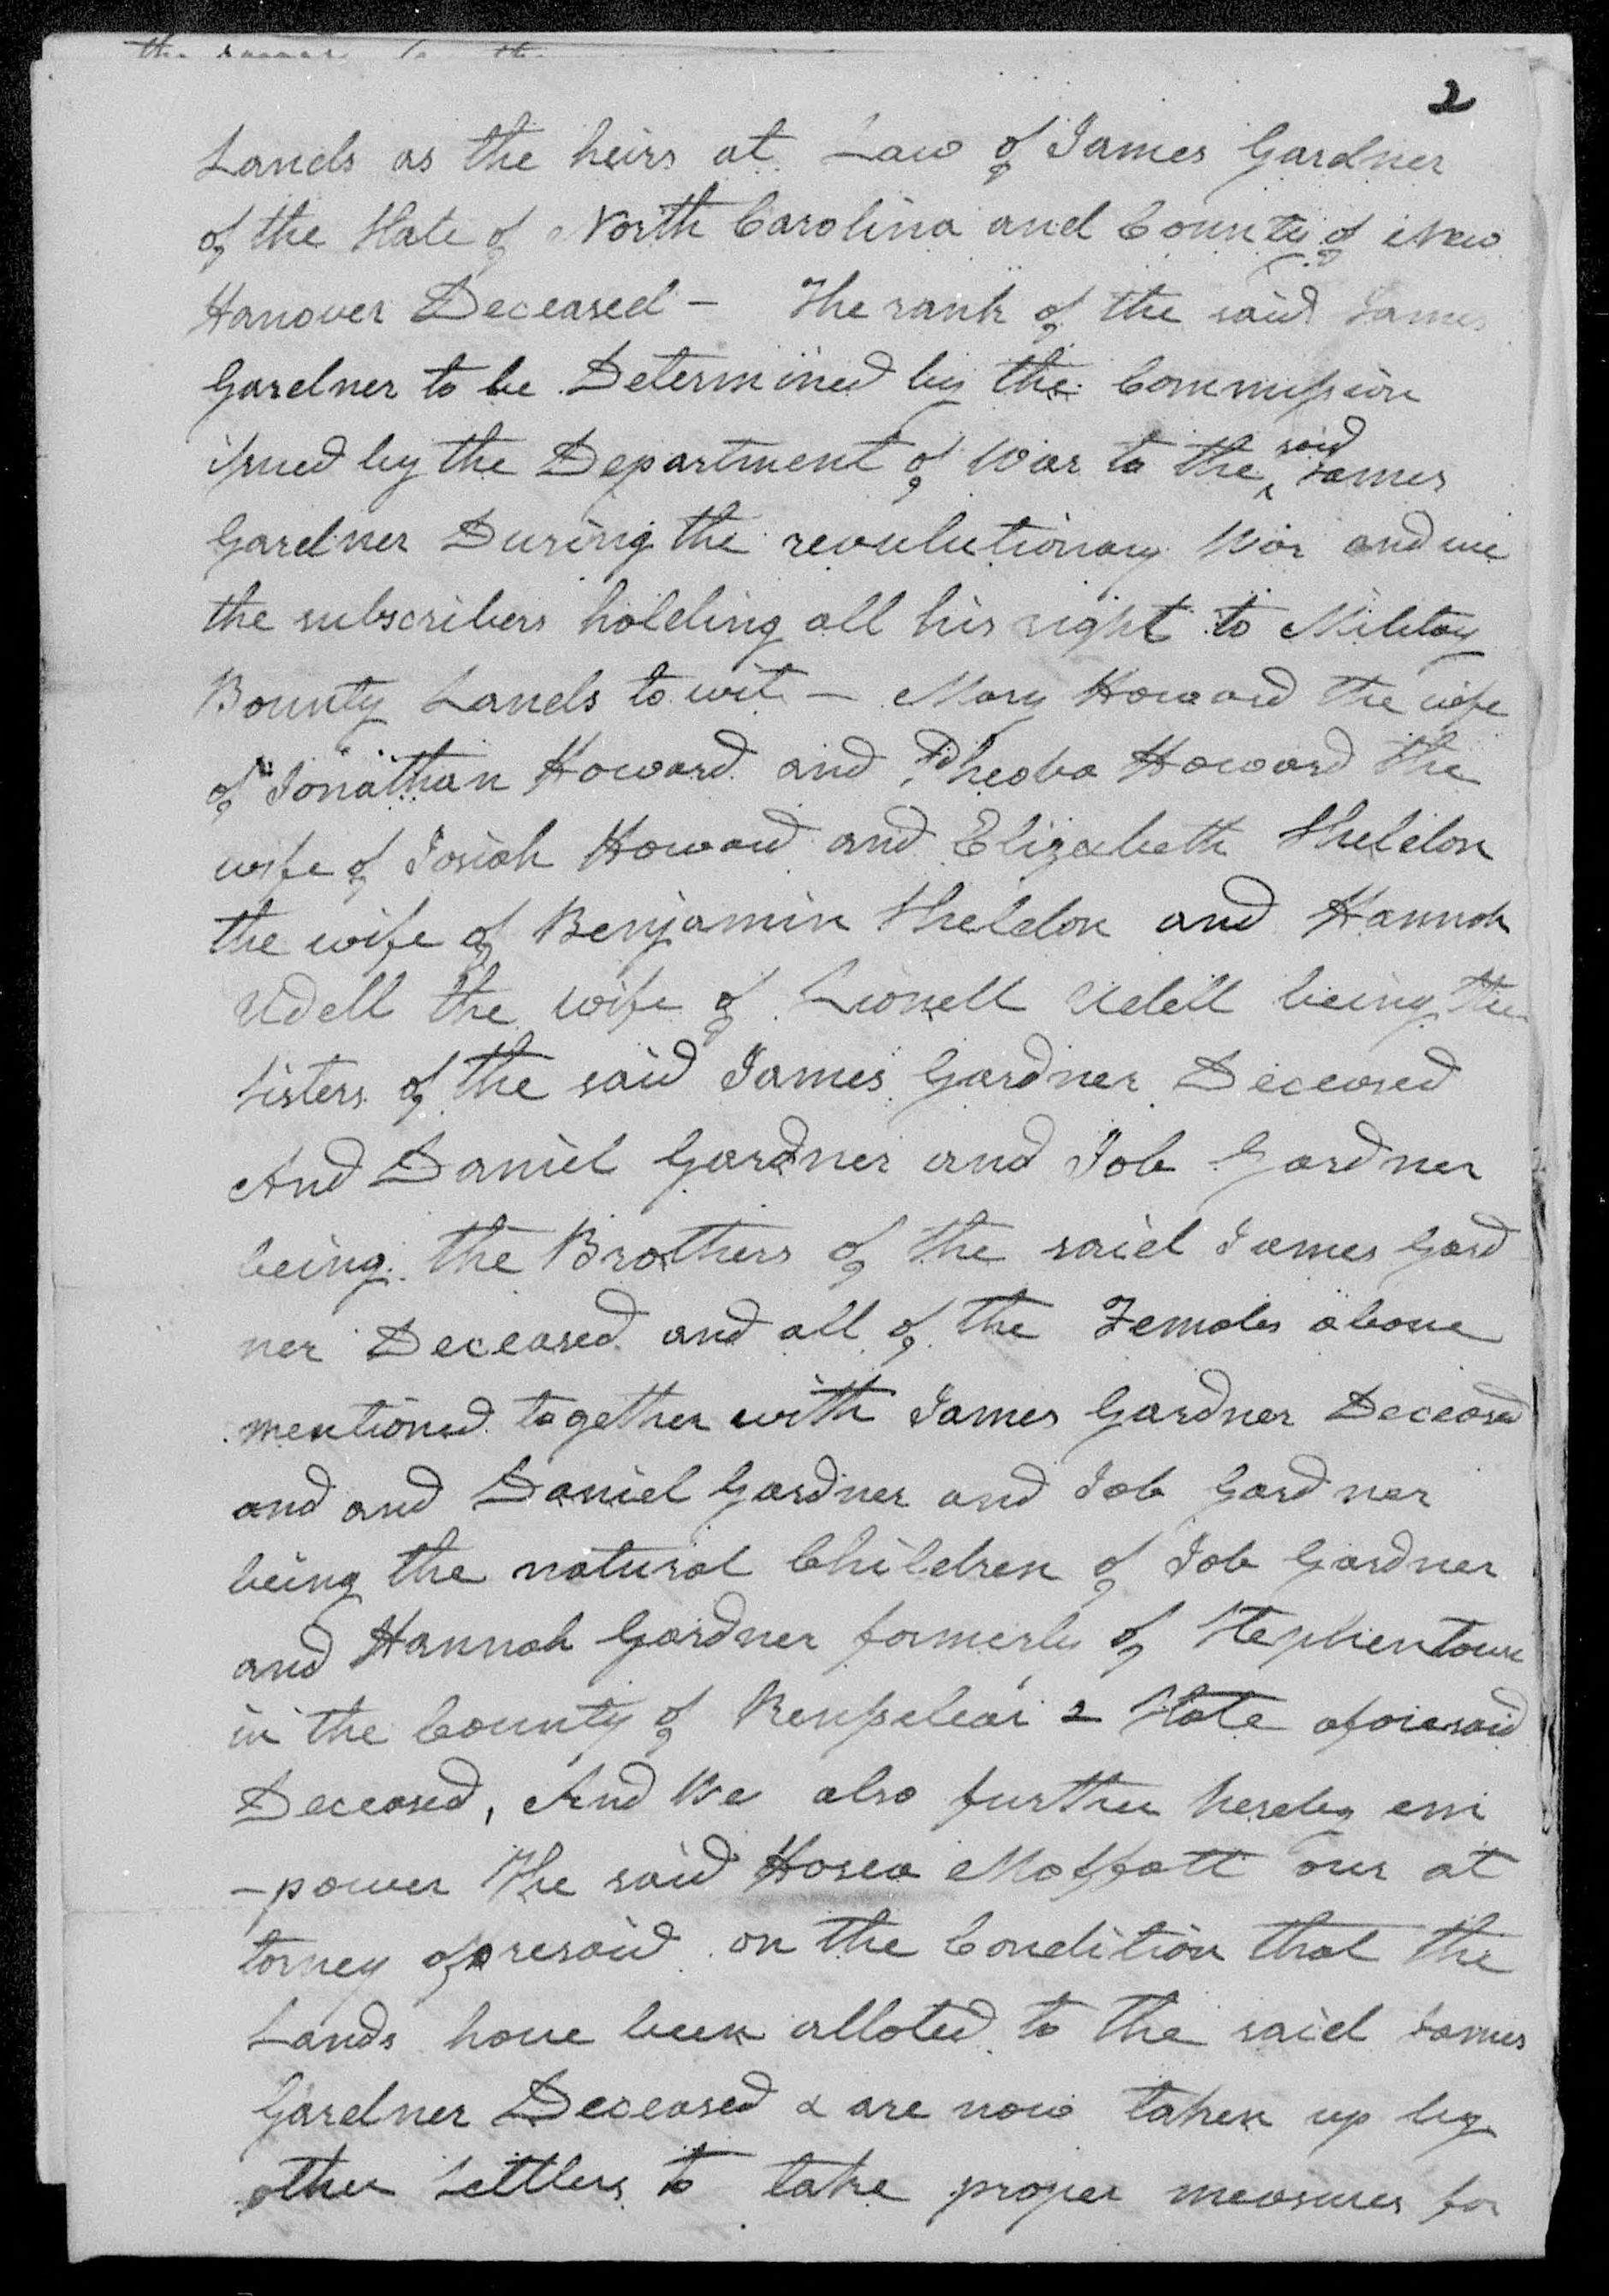lands as the heirs at law of James Gardner of the state of North Carolina and county of New Hanover, deceased.  The rank of the said James Gardner to be determined by the commission issued by the Department of War to the said James Gardner during the Revolutionary War and we the subscribers holding all his right to Military bounty lands to wit - Mary Howard, the wife of Jonathan Howard, and Phoebe Howard, the wife of Josiah Howard, and Elizabeth Sheldon, the wife of Benjamin Sheldon and Hannah Udell, the wife of Lionell Udell, being the sisters of the said James Gardner, deceased, And Daniel Gardner and Job Gardner being the Brothers of the said James Gardner, deceased, and all of the females above mentioned together with James Gardner, deceased, and Daniel Gardner and Job Gardner being the natural children of Job Gardner and Hannah Gardner, formerly of Stephentown in the county of Rensselaer and state aforesaid, deceased, And we also further hereby empower the said Hosea Moffatt our attorney aforesaid on the condition that the Lands have been allotted to the said James Gardner, deceased, & are now taken up by other settlers to take proper measures for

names: Pheoba Howard, Benjamin Sheldon, Daniel Gardner, Mary Howard, Elizabeth Sheldon, Job Gardner, Job Gardner, Jonathan Howard, James Gardner, James Gardner, Daniel Gardner, James Gardner, James Gardner, James Gardner, Lionell Udell, Josiah Howard, Job Gardner, James Gardner, James Gardner, Hannah Gardner, Hosea Moffatt, Hannah Udell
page: 4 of 18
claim: bounty land warrant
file: B. L. Wt. 668-200, James Gardner, Continental Artillery Parents Of N.Y.